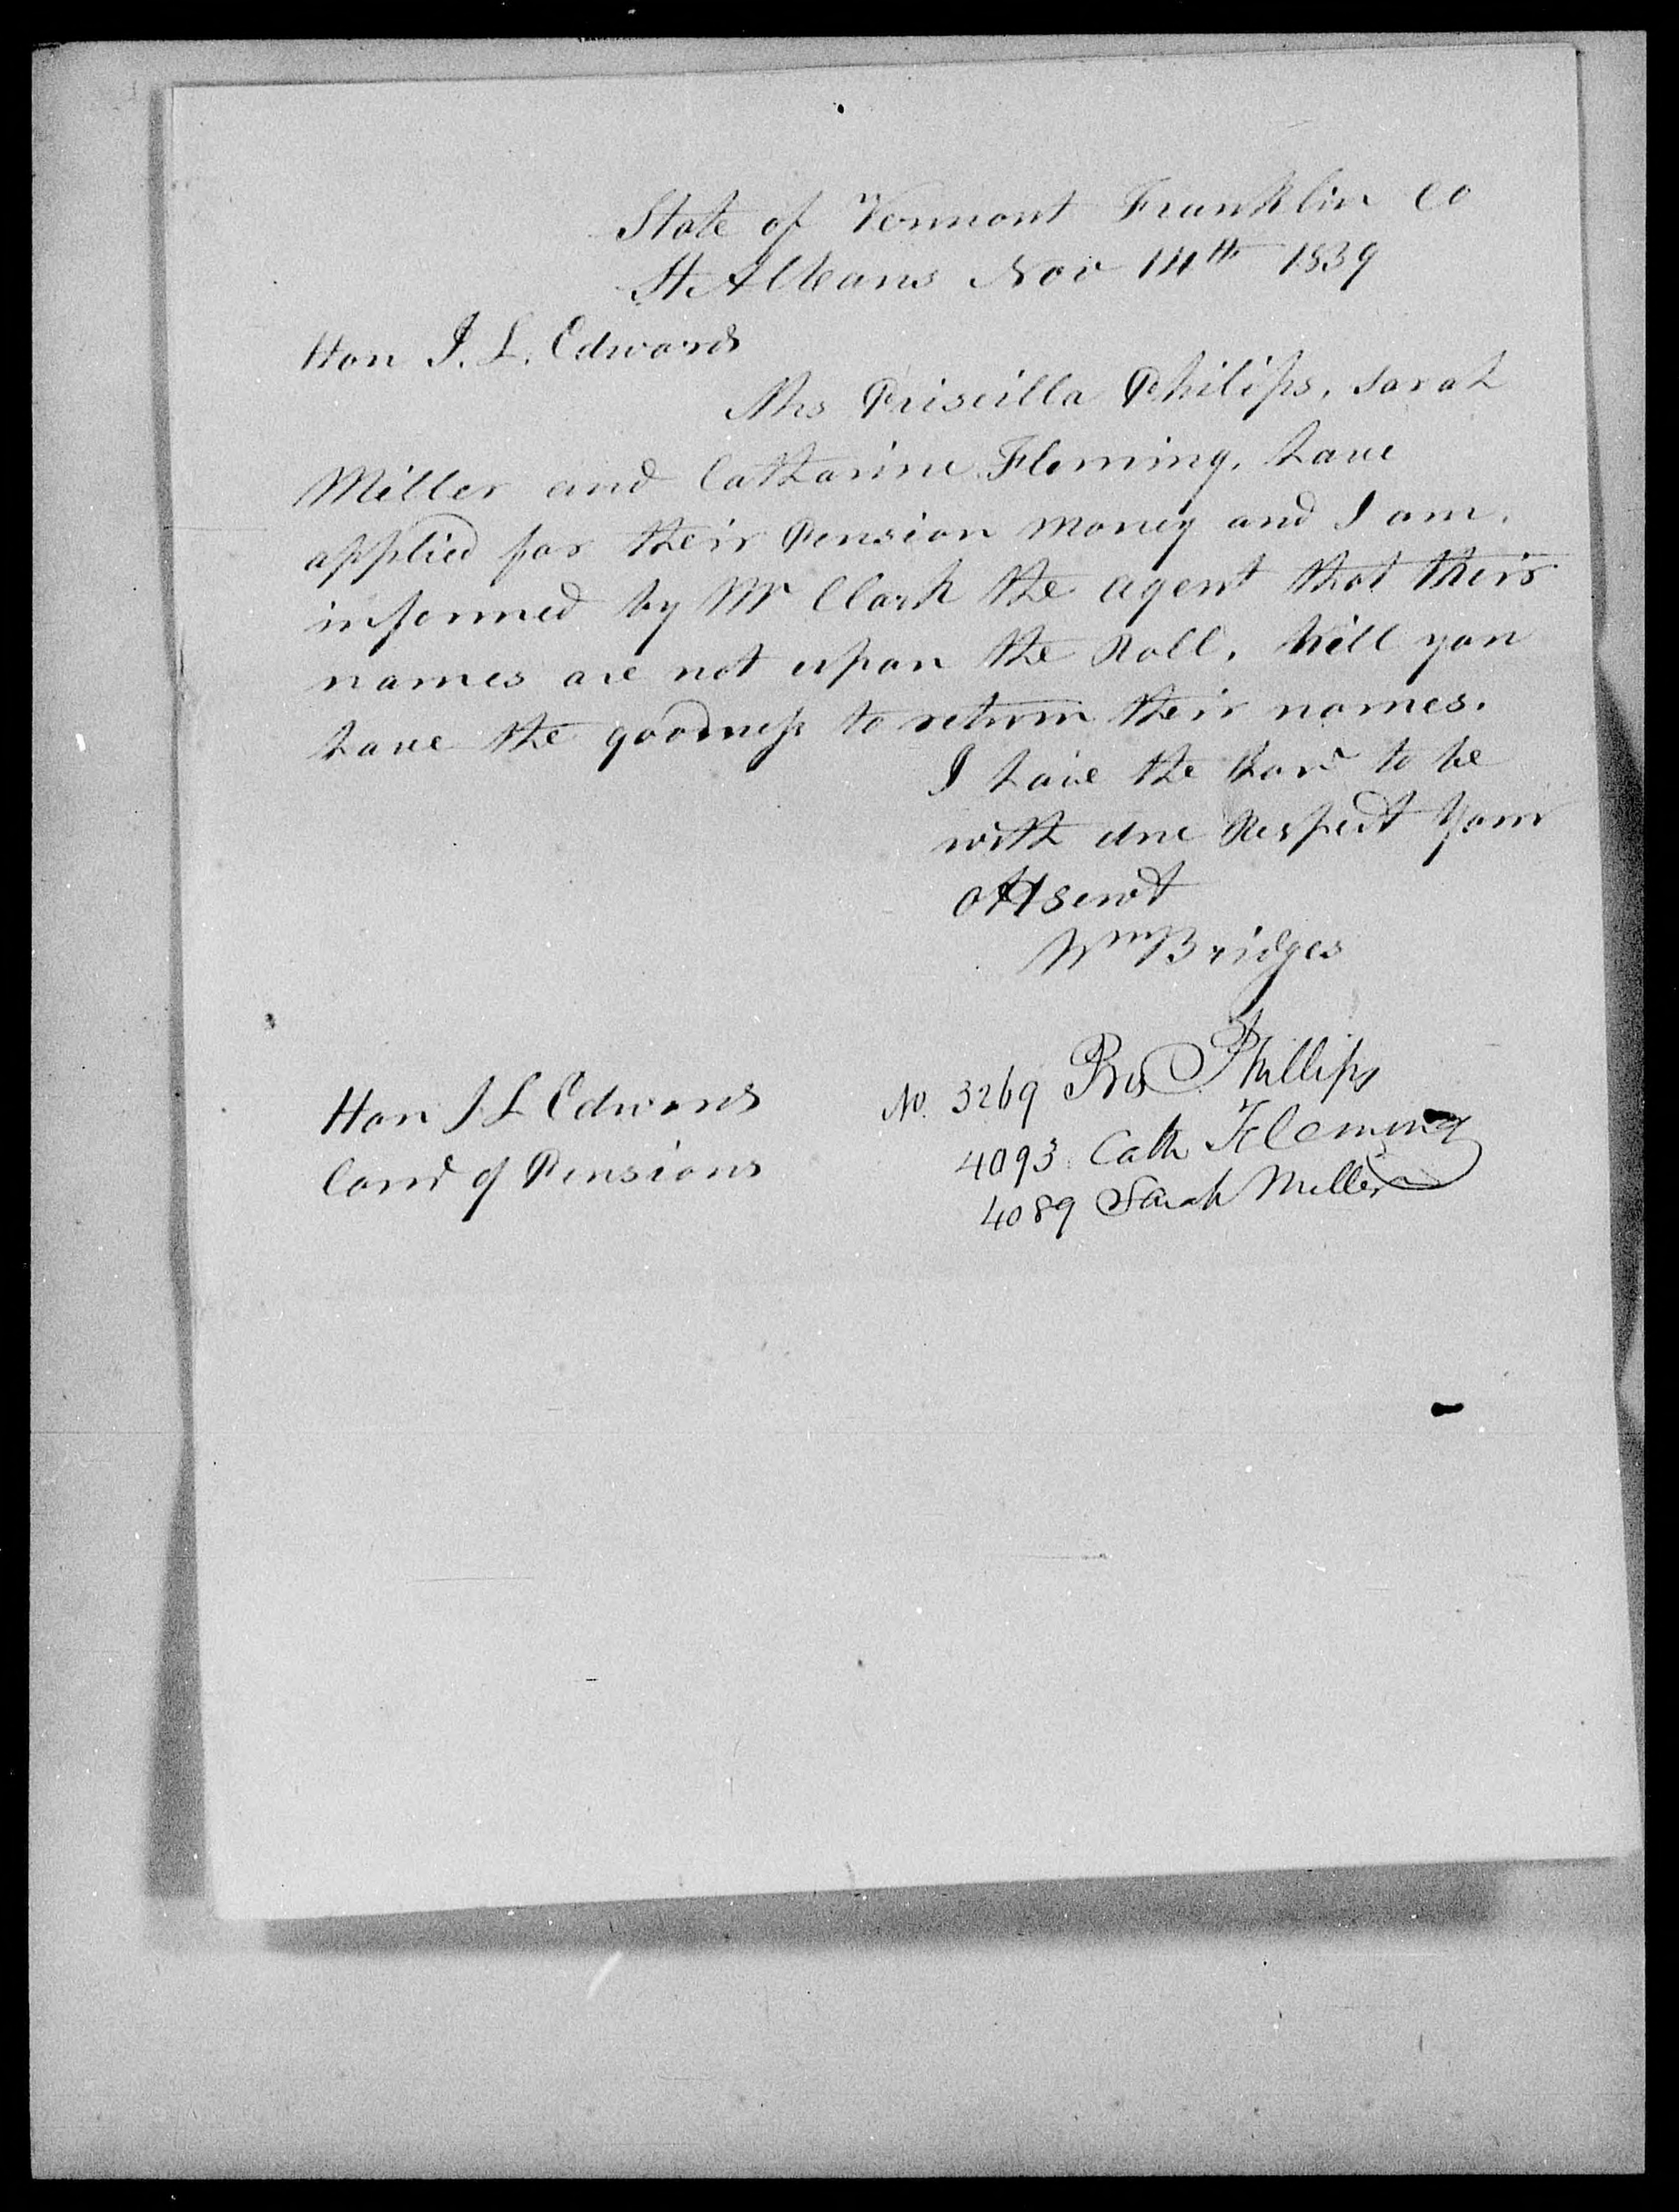State of Vermont Franklin Co
St Albans Nov 14th 1839
Hon J.L. Edwards
Mrs Priscilla Phillips, Sarah
Miller and Catharine Fleming, have
applied for their pension money and I am
informed by Mr Clark the agent that their
names are not upon the roll, will you
have the goodness to return their names.
I have the [illegible] to be
with due respect your
obd servt
Wm Bridges
Hon J L Edwin
Com of Pensions
No 3269 Pris Phillips
4093 Cath Fleming
4089 Sarah Miller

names: [BLANK] Clark; J L Edwards; Priscilla Philips; Sarah Miller; Wm Bridges; Catharine Fleming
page: 23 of 26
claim: widow's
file: W. 26,886, for Amos Phillips, Massachusetts